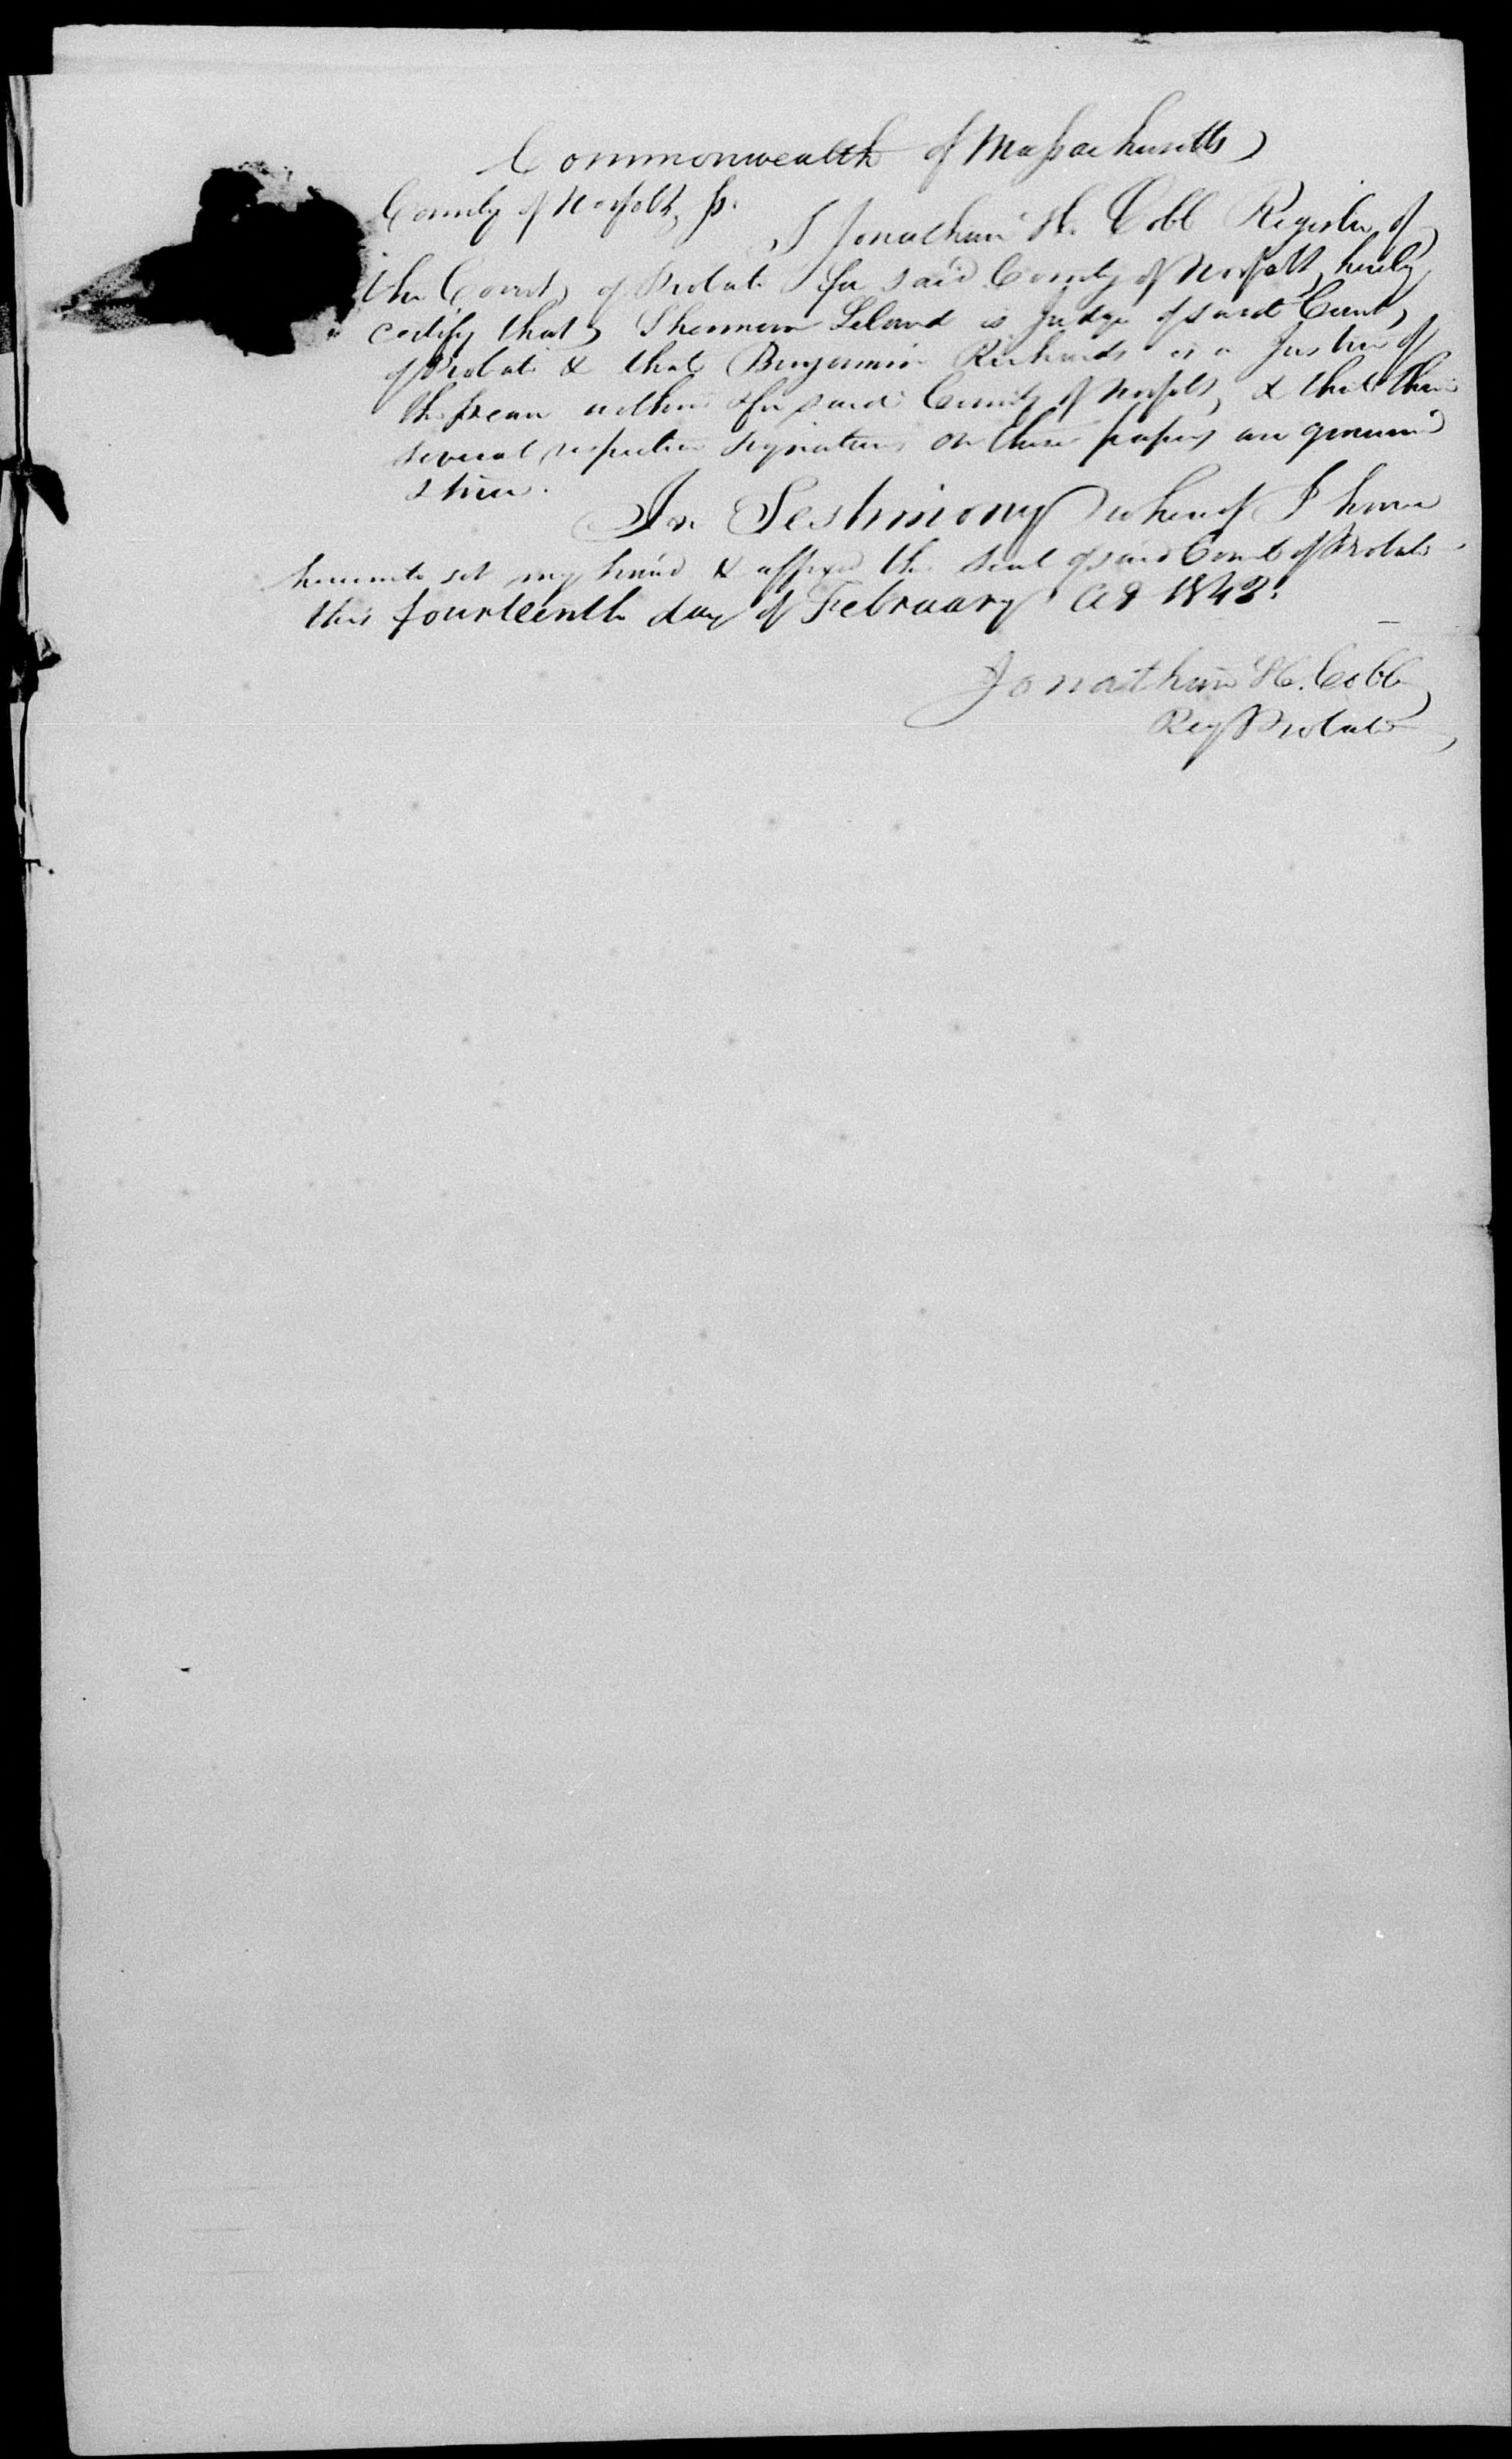Commonwealth of Massachusetts 
County of Norfolk ss 

I Jonathan H. Cobb Register of the Court of Probate for said County of Norfolk, hereby certify that Sherman Leland is Judge of said County of Probate & that Benjamin Richards is a Justice of the peace within of said County of Norfolk & that their several respective signatures on the papers are genuine & true.

In Testimony whereof I have hereunto set my hand & affixed the seal of said Court of Probate this fourteenth day of February AD 1843 

Jonathan H. Cobb Reg Probate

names: Benjamin Richards, Jonathan H Cobb, Sherman Leland, Jonathan H Cobb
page: 18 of 38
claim: widow's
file: W. 24,235, Silvanus French, Mass.